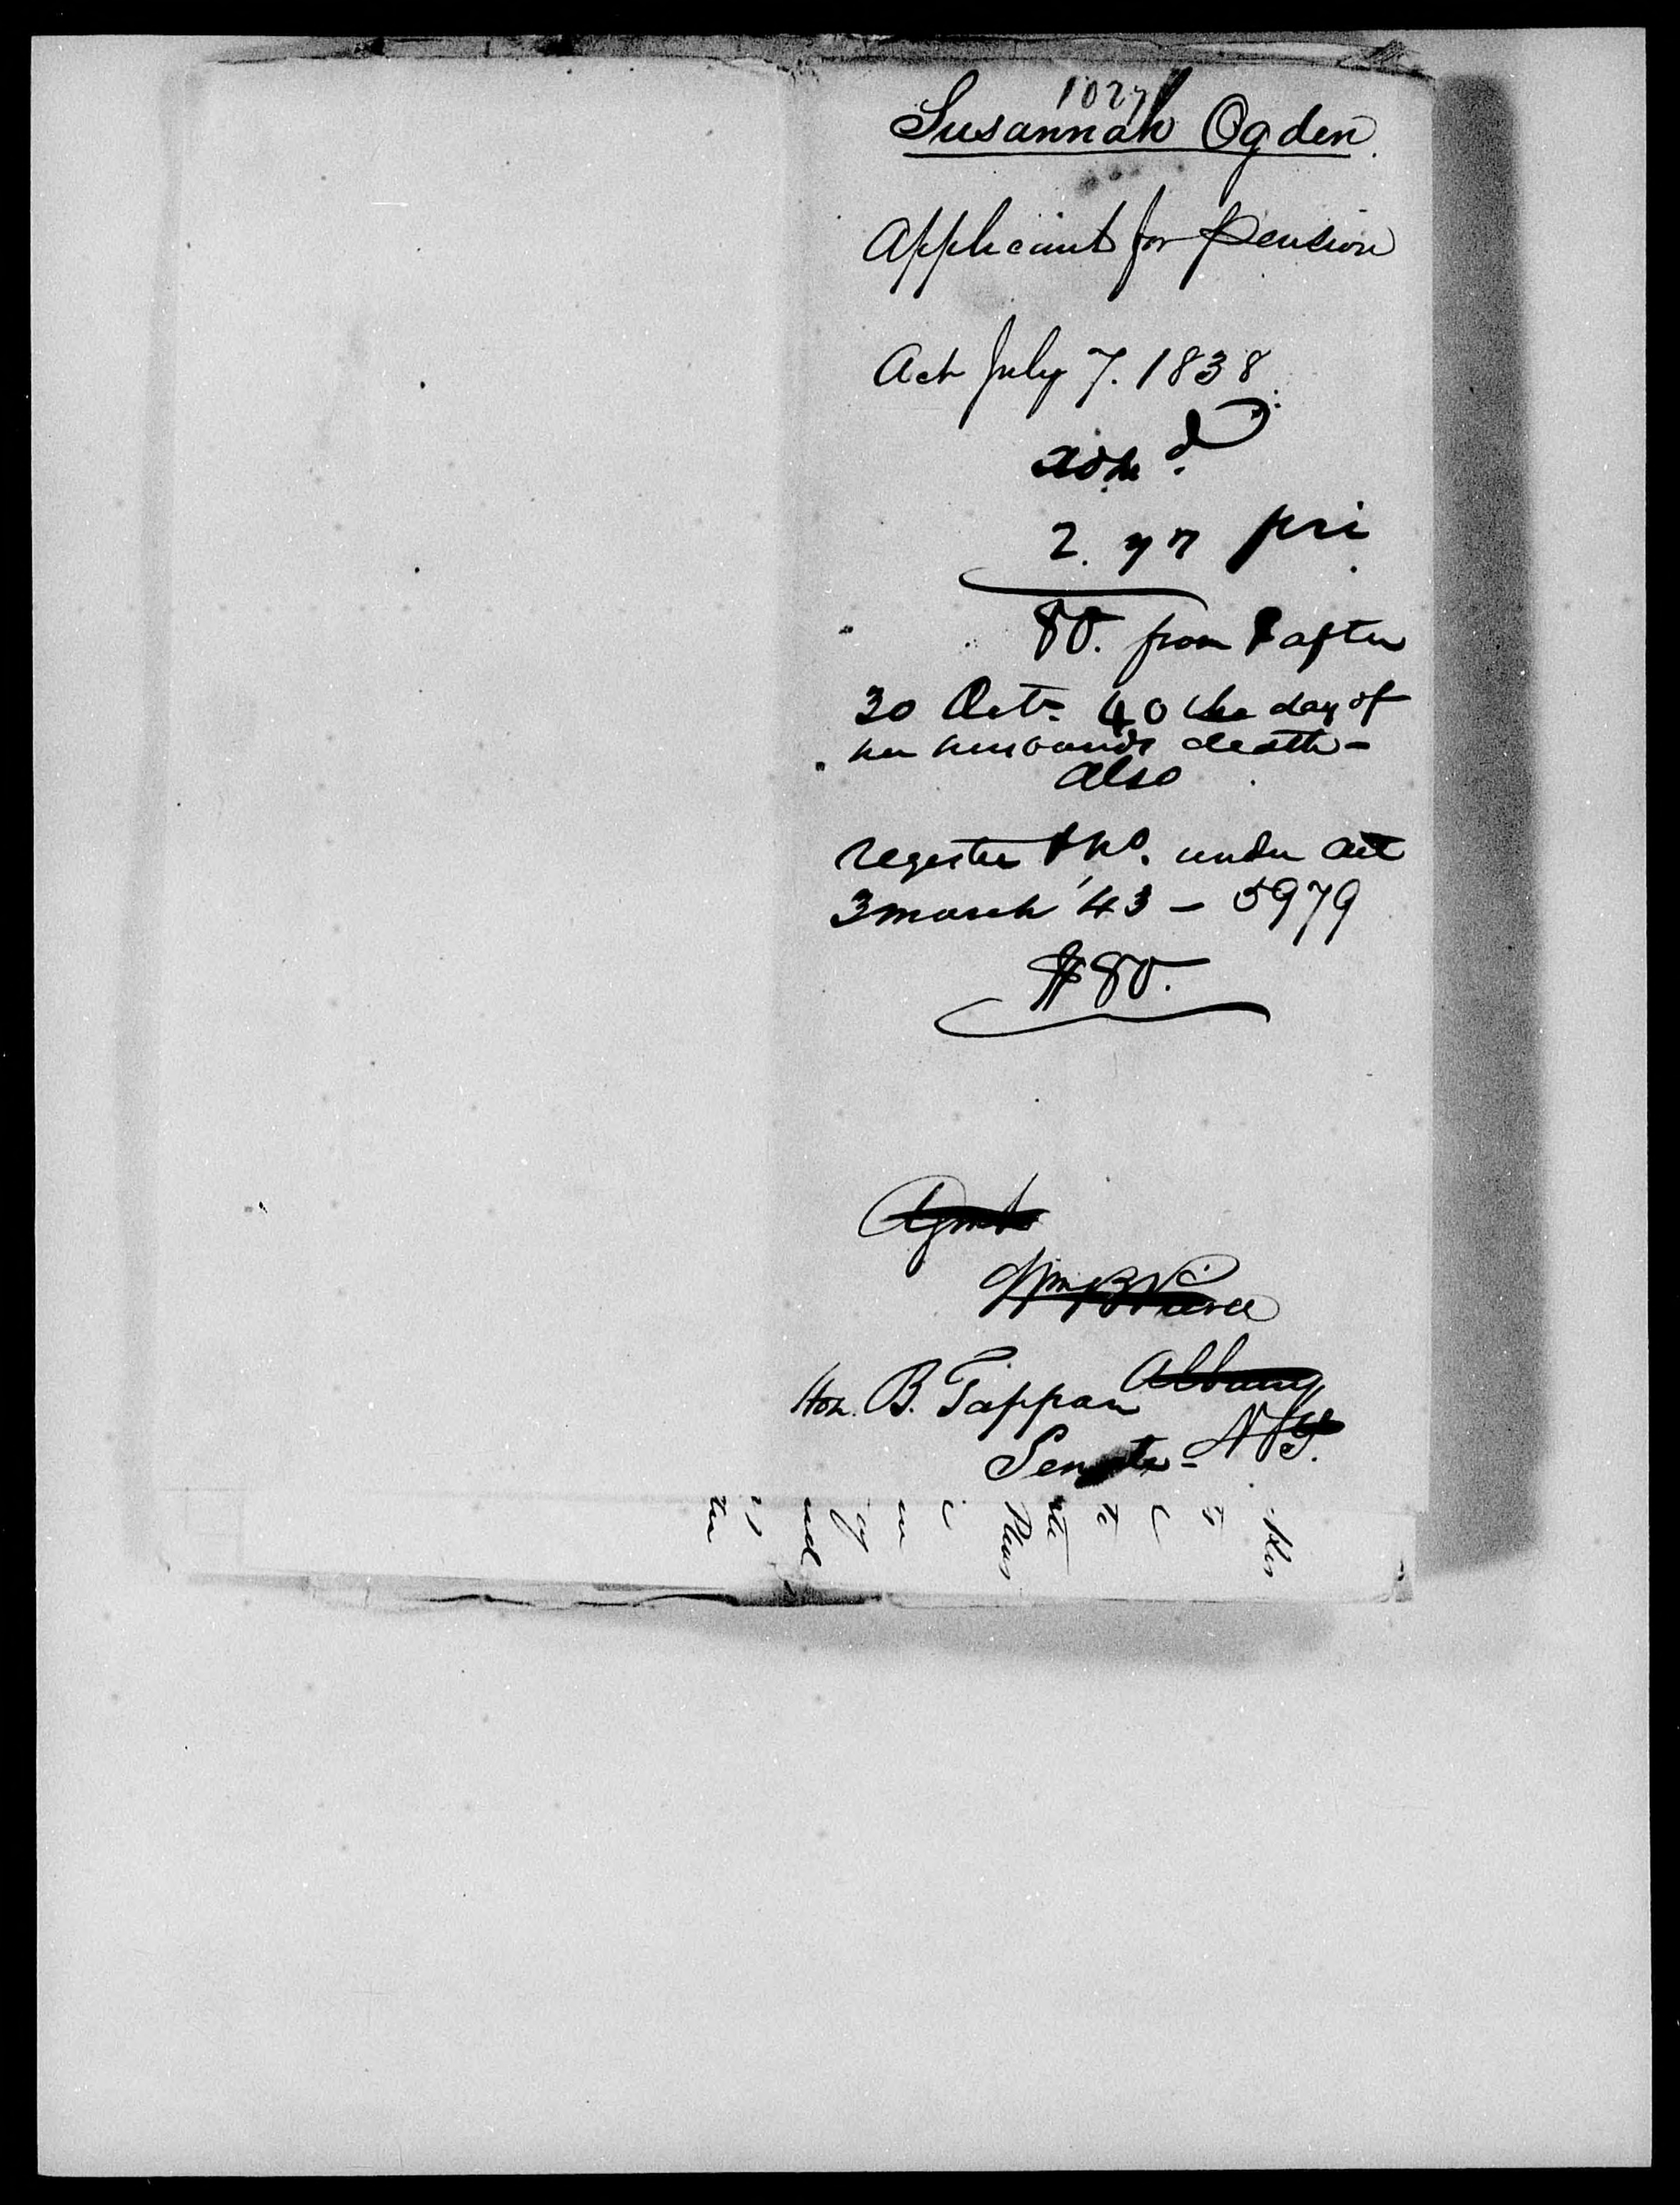1027
Susannah Ogden
Applicant for Pension
Act July 7. 1838

[illegible]
2.77 pri
80. from & after

30 Octr. 40 the day of
her husband's death -
also
register & [illegible] under act
3 March '43 -5979
$80.

[crossed out: Pmt Wm B Pierce Albany]

Hon. B. Tappan
Senate N Y.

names: Susannah Ogden; B Tappan; Wm B Pierce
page: 4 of 40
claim: widow's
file: W. 24364, for David Ogden, New York